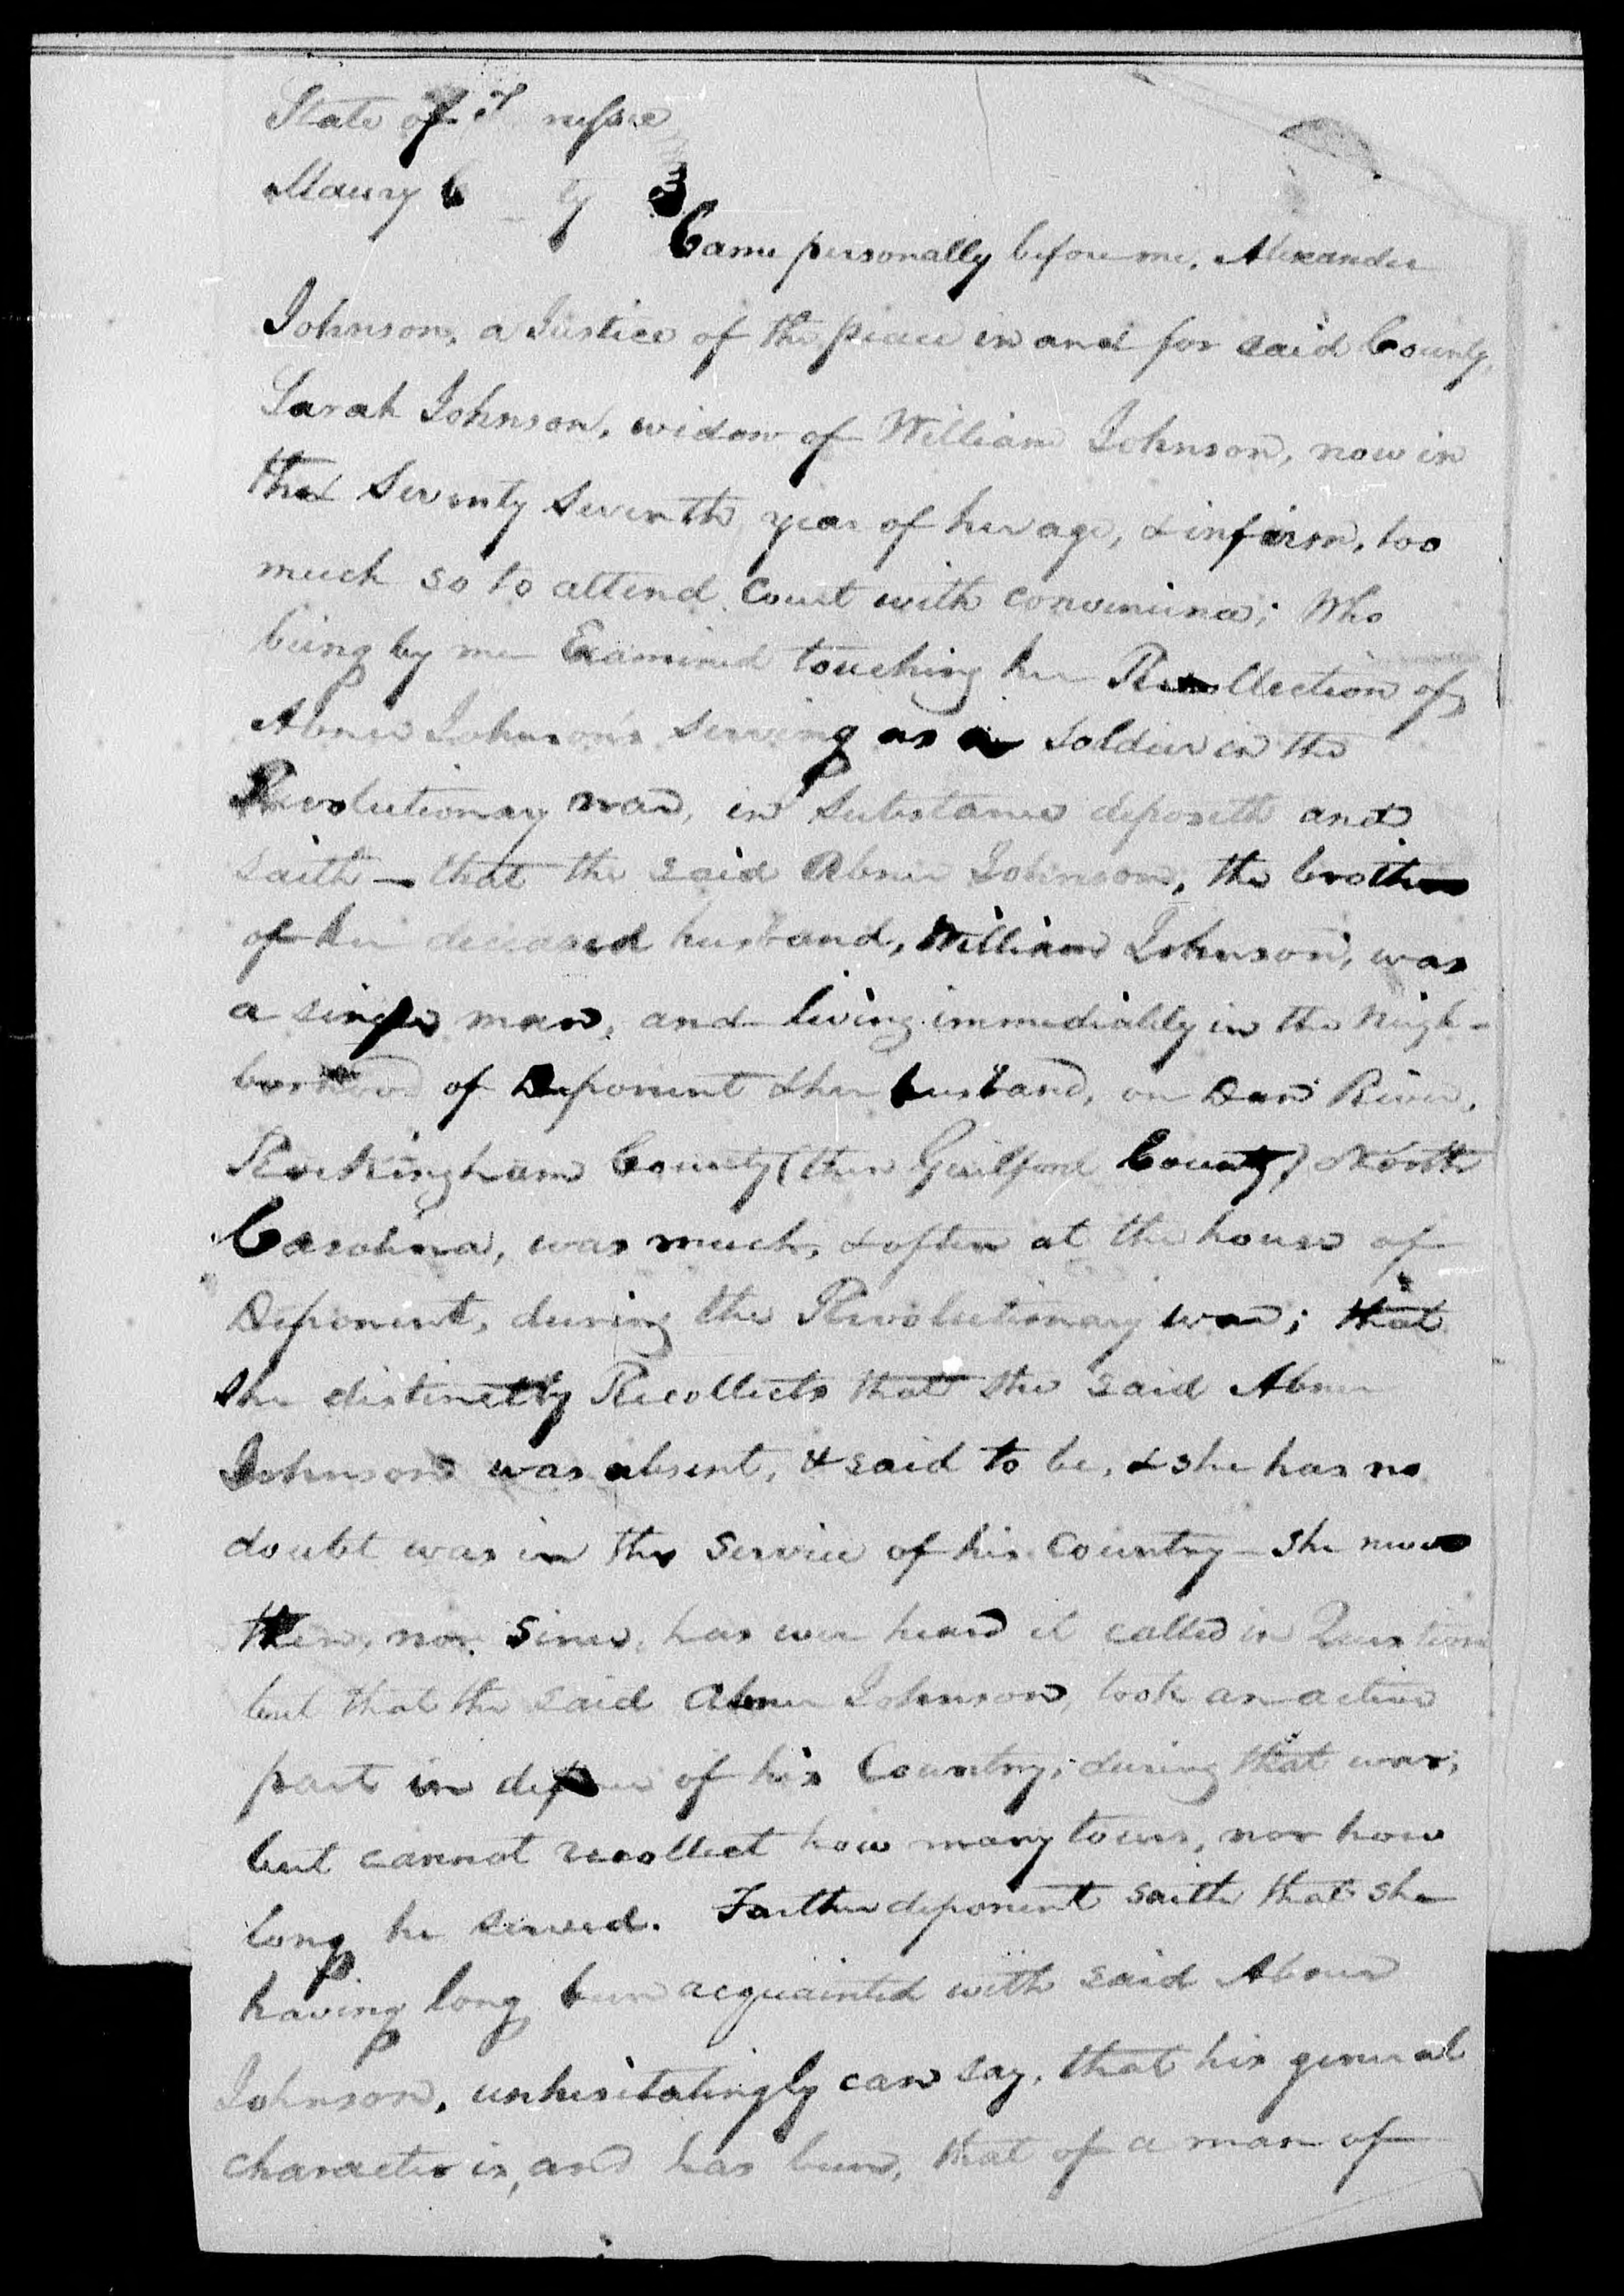State of Tennessee
Maury County 
     Came personally before me, Alexander Johnson, a Justice of the peace in and for said 
County Sarah Johnson, widow of William Johnson, now in the 77th year of her age, & infirm, too much so to attend to Court with convenience; who being by me Examined touching her Recollection of Abner Johnson's Serving as a Soldier in the Revolutionary war, in Substance deposeth and saith -- that the said Abner Johnson, a brother of her deceased husband, William Johnson, was a single man, and living immediately in the neighborhood of deponent & her husband, on Dan River, Rockingham County (then Guilford County) North Carolina, was much, & often at the house of Deponent, during the Revolutionary war; that she distinctly Recollects that the said Abner Johnson was absent, & said to be, & she has no doubt was in the Service of his Country.  She never then, nor since, has ever heard it called in Question but that the same 
Abner Johnson, took an active part in defense of his Country; during that war; but cannot 
recollect how many tours, nor how long he served.  Further deponent saith that she having long been acquainted with said Abner Johnson, unhesitatingly can say, that his general character is, and has been, that of a man of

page: 10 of 27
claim: rejected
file: R. 5649, for Abner Johnson, North Carolina